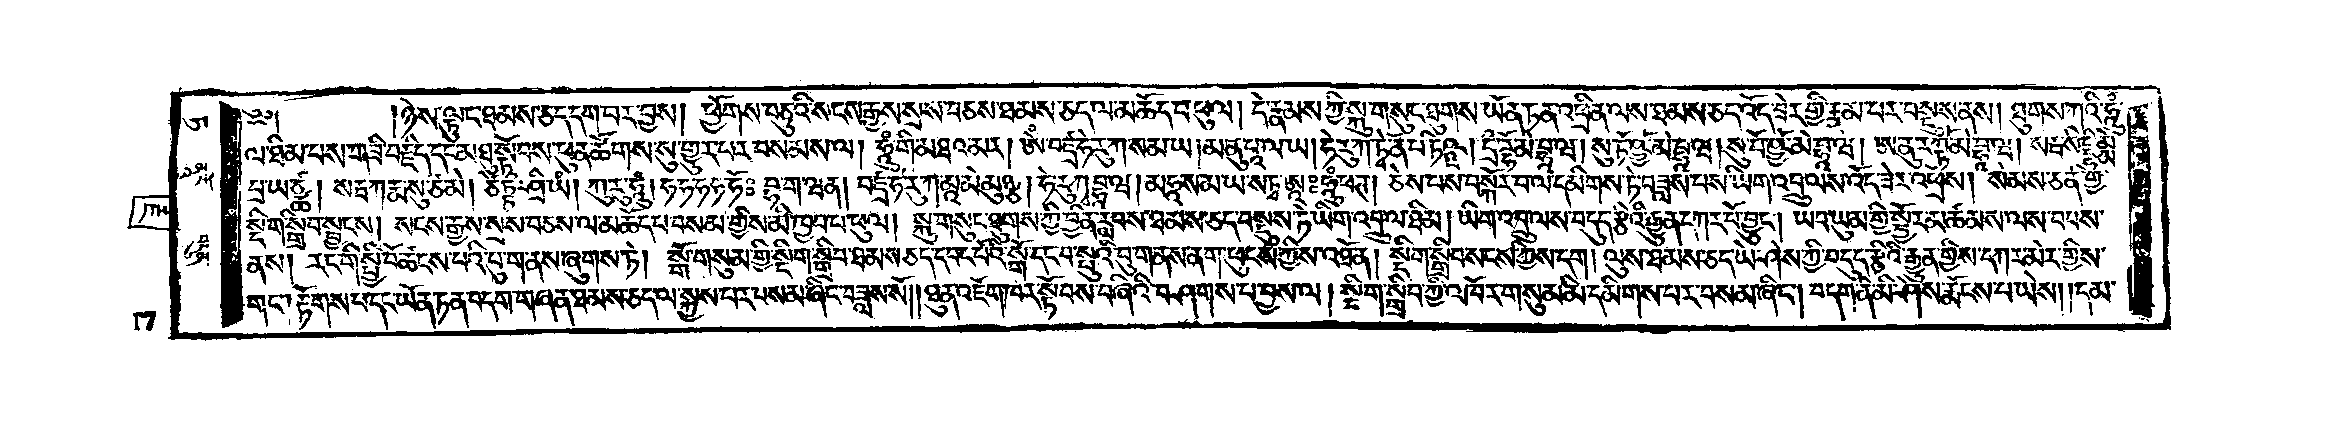༄༅། །ཉེས་ལྟུང་ཐམས་ཅད་དག་པར་བྱས། ཕྱོགས་བཅུའི་སངས་རྒྱས་སྲས་བཅས་ཐམས་ཅད་ལ་མཆོད་པ་ཕུལ། དེ་རྣམས་ཀྱི་སྐུ་གསུང་ཐུགས་ཡོན་ཏན་འཕྲིན་ལས་ཐམས་ཅད་འོད་ཟེར་གྱི་རྣམ་པར་བསྡུས་ནས། ཐུགས་ཀའི་ཧཱུཾ་
ལ་ཐིམ་པས་གཟི་བརྗིད་དང་མཐུ་སྟོབས་ཕུན་ཚོགས་སུ་གྱུར་པར་བསམས་ལ། ཧཱུཾ་གི་མཐའ་མར། ཨོཾ་བཛྲ་ཧེ་རུ་ཀ་ས་མ་ཡ། མ་ནུ་པཱ་ལ་ཡ། ཧེ་རུ་ཀ་ཏྭེ་ནོ་པ་ཏིཥཊཿཨ། དྲྀ་ཌྷོ་མེ་བྷཱ་ཝ། སུ་ཏོ་ཥྱོ་མེ་བྷཱ་ཝ། སུ་པོ་ཥྱོ་མེ་བྷཱ་ཝ། ཨ་ནུ་རཀྟོ་མེ་བྷཱ་ཝ། སརྦ་སིདྡྷི་མྨེ་
པྲ་ཡ་ཙྪ། སརྦ་ཀརྨ་སུ་ཙ་མེ། ཙིཏྟཾ་ཤྲི་ཡཾ། ཀུ་རུ་ཧཱུཾ། ཧ་ཧ་ཧ་ཧ་ཧོཿ བྷ་ག་ཝན། བཛྲ་ཧེ་རུ་ཀ་མཱ་མེ་མུཉྩ། ཧེ་རུ་ཀྭ་བྷཱ་ཝ། མྷཱ་ས་མ་ཡ་སཏྭ་ཨཱཿ ཧཱུཾ་ཕཊ། ཅེས་པས་བསྐོར་བ་ལ་དམིགས་ཏེ་བཟླས་པས་ཡིག་འབྲུ་ལས་འོད་ཟེར་འཕྲོས། སེམས་ཅན་གྱི་
སྡིག་སྒྲིབ་སྦྱངས། སངས་རྒྱས་སྲས་བཅས་ལ་མཆོད་པ་བསམ་གྱིས་མི་ཁྱབ་པ་ཕུལ། སྐུ་གསུང་ཐུགས་ཀྱི་བྱིན་རླབས་ཐམས་ཅད་བསྡུས་ཏེ་ཡིག་འབྲུ་ལ་ཐིམ། ཡིག་འབྲུ་ལས་བདུད་རྩིའི་རྒྱུན་དཀར་པོ་བྱུང་། ཡབ་ཡུམ་གྱི་སྦྱོར་མཚམས་ལས་བབས་
ནས། རང་གི་སྤྱི་བོ་ཚངས་པའི་བུ་ག་ནས་ཞུགས་ཏེ། སྒོ་གསུམ་གྱི་སྡིག་སྒྲིབ་ཐམས་ཅད་དབང་པོའི་སྒོ་དང་བ་སྤུའི་བུ་ག་ནས་ནག་ཕུངས་ཀྱིས་འཐོན། སྡིག་སྒྲིབ་སངས་ཀྱིས་དག། ལུས་ཐམས་ཅད་ཡེ་ཤེས་ཀྱི་བདུད་རྩིའི་རྒྱུན་གྱིས་དཀར་མེར་གྱིས་
གང་། རྟོགས་པ་དང་ཡོན་ཏན་བདག་གཞན་ཐམས་ཅད་ལ་སྐྱེས་པར་བསམ་ཞིང་བཟླས་སོ། །ཐུན་འཇོག་ཁར་སྟོབས་བཞིའི་བཤགས་པ་བྱས་ལ། སྡིག་སྒྲིབ་ཀྱི་འཁོར་གསུམ་མི་དམིགས་པར་བསམ་ཞིང་། བདག་ནི་མི་ཤེས་རྨོངས་པ་ཡིས། །དམ་